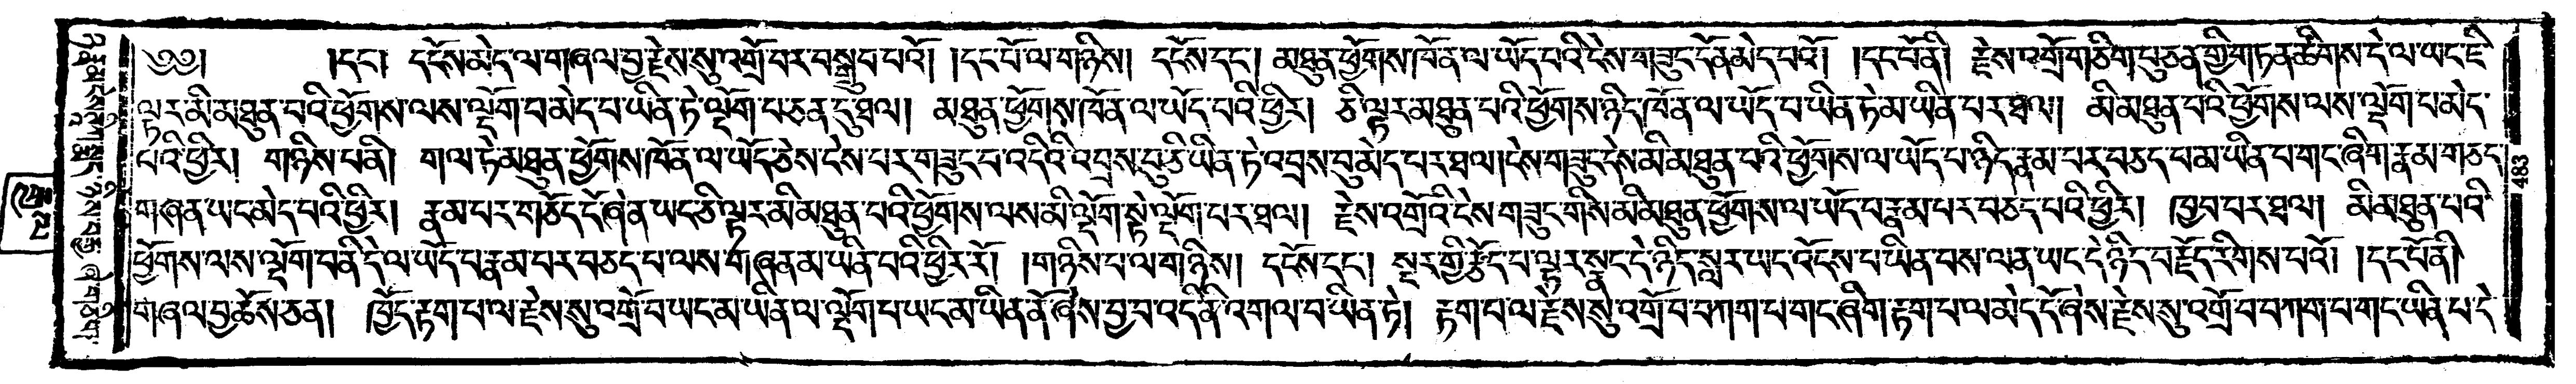༄༅། །དང་། དངོས་མེད་ལ་གཞལ་བྱ་རྗེས་སུ་འགྲོ་བར་བསྒྲུབ་པའོ། །དང་པོ་ལ་གཉིས། དངོས་དང་། མཐུན་ཕྱོགས་ཁོ་ན་ལ་ཡོད་པའི་ངེས་གཟུང་དོན་མེད་པའོ། །དང་པོ་ནི། རྗེས་འགྲོ་གཅིག་པུ་ཅན་གྱི་གཏན་ཚིགས་དེ་ལ་ཡང་ཇི་
ལྟར་མི་མཐུན་པའི་ཕྱོགས་ལས་ལྡོག་བ་མེད་པ་ཡིན་ཏེ་ལྡོག་པ་ཅན་དུ་ཐལ། མཐུན་ཕྱོགས་ཁོ་ན་ལ་ཡོད་པའི་ཕྱིར། ཅི་ལྟར་མཐུན་པའི་ཕྱོགས་ཉིད་ཁོ་ན་ལ་ཡོད་པ་ཡིན་ཏེ་མ་ཡིན་པར་ཐལ། མི་མཐུན་པའི་ཕྱོགས་ལས་ལྡོག་པ་མེད་
པའི་ཕྱིར། གཉིས་པ་ནི། གལ་ཏེ་མཐུན་ཕྱོགས་ཁོ་ན་ལ་ཡོད་ཅེས་ངེས་པར་གཟུང་བ་འདིའི་འབྲས་བུ་ཅི་ཡིན་ཏེ་འབྲས་བུ་མེད་པར་ཐལ། ངེས་གཟུང་དེས་མི་མཐུན་པའི་ཕྱོགས་ལ་ཡོད་པ་ཉིད་རྣམ་པར་བཅད་པ་མ་ཡིན་པ་གང་ཞིག་རྣམ་གཅད་
གཞན་ཡང་མེད་པའི་ཕྱིར། རྣམ་པར་གཅོད་དོ་ཞེ་ན་ཡང་ཅི་ལྟར་མི་མཐུན་པའི་ཕྱོགས་ལས་མི་ལྡོག་སྟེ་ལྡོག་པར་ཐལ། རྗེས་འགྲོའི་ངེས་གཟུང་གིས་མི་མཐུན་ཕྱོགས་ལ་ཡོད་པ་རྣམ་པར་བཅད་པའི་ཕྱིར། ཁྱབ་པར་ཐལ། མི་མཐུན་པའི་
ཕྱོགས་ལས་ལྡོག་བ་ནི་དེ་ལ་ཡོད་པ་རྣམ་པར་བཅད་པ་ལས་གཞན་མ་ཡིན་པའི་ཕྱིར་རོ། །གཉིས་པ་ལ་གཉིས། དངོས་དང་། སྔར་གྱི་རྩོད་པ་ལྟར་སྣང་དེ་ཉིད་སླར་ཡང་འོངས་པ་ཡིན་པས་ལན་ཡང་དེ་ཉིད་བརྗོད་རིགས་པའོ། །དང་པོ་ནི།
གཞལ་བྱ་ཆོས་ཅན། ཁྱོད་རྟག་པ་ལ་རྗེས་སུ་འགྲོ་བ་ཡང་མ་ཡིན་ལ་ལྡོག་པ་ཡང་མ་ཡིན་ནོ་ཞེས་བྱ་བ་འདི་ནི་འགལ་བ་ཡིན་ཏེ། རྟག་པ་ལ་རྗེས་སུ་འགྲོ་བ་བཀག་པ་གང་ཞིག་རྟག་པ་ལ་མེད་དོ་ཞེས་རྗེས་སུ་འགྲོ་བ་བཀག་པ་གང་ཡིན་པ་དེ་